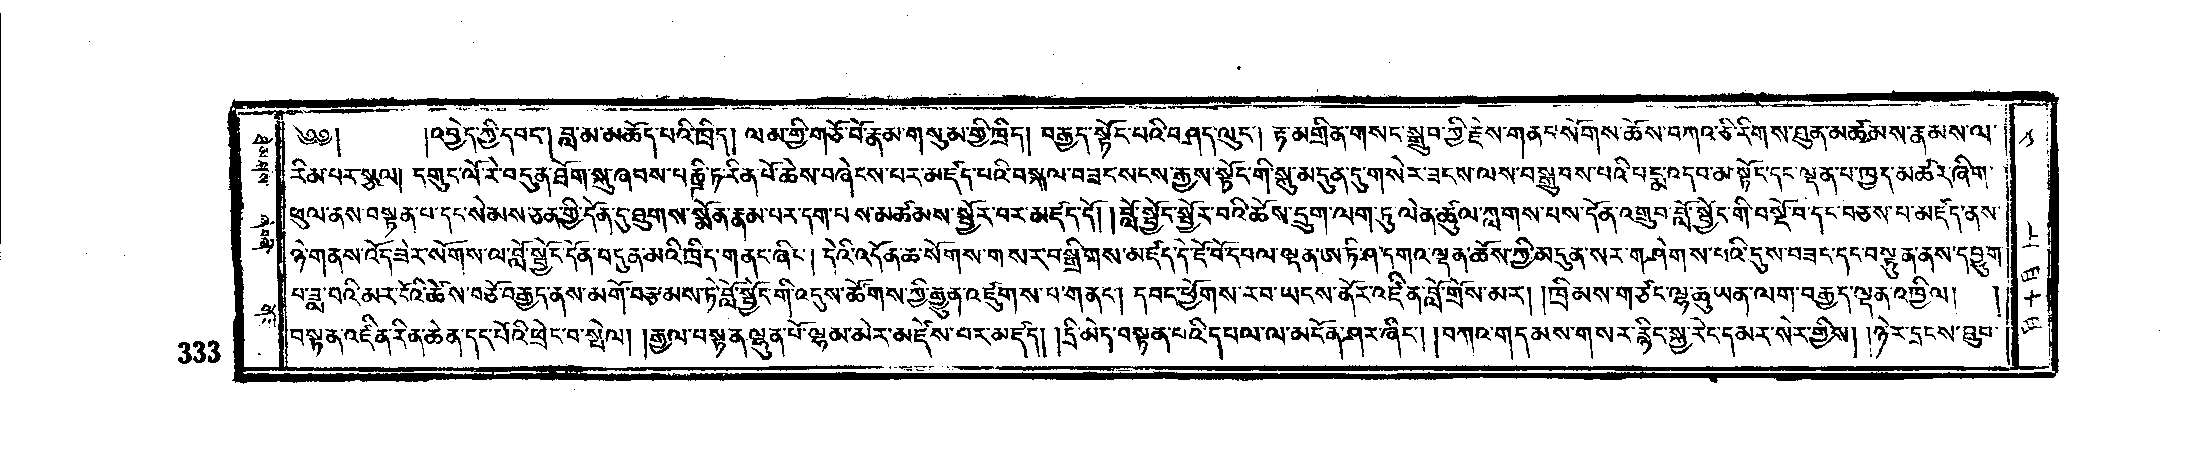༄༅། །འབྱེད་ཀྱི་དབང་། བླ་མ་མཆོད་པའི་ཁྲིད། ལམ་གྱི་གཙོ་བོ་རྣམ་གསུམ་གྱི་ཁྲིད། བརྒྱད་སྟོང་པའི་བཤད་ལུང་། རྟ་མགྲིན་གསང་སྒྲུབ་ཀྱི་རྗེས་གནང?་སོགས་ཆོས་བཀའ་ཅི་རིགས་ཐུན་མཚམས་རྣམས་ལ་
རིམ་པར་སྩལ། དགུང་ལོ་རེ་བདུན་ཐོག་སྐུ་ཞབས་པཎྜྀ་ཏ་རིན་པོ་ཆེས་བཞེངས་པར་མཛད་པའི་བསྐལ་བཟང་སངས་རྒྱས་སྟོང་གི་སྐུ་མདུན་དུ་གསེར་ཟངས་ལས་བསྒྲུབས་པའི་པདམ་འདབ་མ་སྟོང་དང་ལྡན་པ་ཁྱད་མཚར་ཞིག་
ཕུལ་ནས་བསྟན་པ་དང་སེམས་ཅན་གྱི་དོན་དུ་ཐུགས་སྨོན་རྣམ་པར་དག་པས་མཚམས་སྦྱོར་བར་མཛད་དོ། །བློ་སྦྱོང་སྦྱོར་བའི་ཆོས་དྲུག་ལག་ཏུ་ལེན་ཚུལ་ཀླགས་པས་དོན་འགྲུབ་བློ་སྦྱོང་གི་བསྔོ་བ་དང་བཅས་པ་མཛད་ནས་
ཉེ་གནས་འོད་ཟེར་སོགས་ལ་བློ་སྦྱོང་དོན་བདུན་མའི་ཁྲིད་གནང་ཞིང་། དེའི་འདོན་ཆ་སོགས་གསར་བསྒྲིགས་མཛད་དེ་ཇོ་བོ་དཔལ་ལྡན་ཨ་ཏི་ཤ་དགའ་ལྡན་ཆོས་ཀྱི་མདུན་སར་གཤེགས་པའི་དུས་བཟང་དང་བསྟུན་ནས་དབྱུག་
པ་ཟླ་བའི་མར་ངོའི་ཚེས་བཅོ་བརྒྱད་ནས་མགོ་བརྩམས་ཏེ་བློ་སྦྱོང་གི་འདུས་ཚོགས་ཀྱི་རྒྱུན་འཛུགས་པ་གནང་། དབང་ཕྱོགས་རབ་ཡངས་ནོར་འཛིན་བློ་གྲོས་མར། །ཁྲིམས་གཙང་ལྷ་ཆུ་ཡན་ལག་བརྒྱད་ལྡན་འཁྱིལ། །
བསྟན་འཛིན་རིན་ཆེན་དང་པོའི་ཕྲེང་བ་སྤེལ། །རྒྱལ་བསྟན་ལྷུན་པོ་ལྷམ་མེར་མཛེས་པར་མཛད། །དྲི་མེད་བསྟན་པའི་དཔལ་ལ་མངོན་ཤར་ཞིང་། །བཀའ་གདམས་གསར་རྙིང་སྐྱ་རེང་དམར་སེར་གྱིས། །ཉེར་དྲངས་ཐུབ་